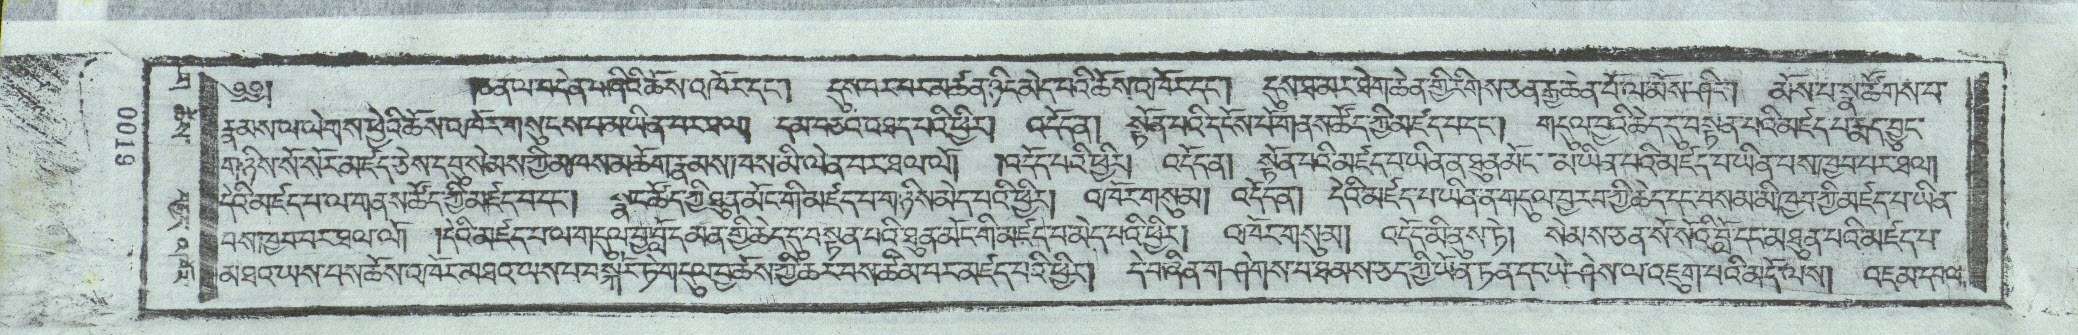༄༅། །ཅན་ལ་བདེན་བཞིའི་ཆོས་འཁོར་དང་། དུས་བར་བར་མཚན་ཉིད་མེད་པའི་ཆོས་འཁོར་དང་། དུས་ཐ་མར་ཐེག་ཆེན་གྱི་རིགས་ཅན་རྒྱ་ཆེན་པོ་ལ་མོས་ཤིང་། མོས་པ་སྣ་ཚོགས་པ་
རྣམས་ལ་ལེགས་ཕྱེའི་ཆོས་འཁོར་གསུངས་པ་མ་ཡིན་པར་ཐལ། དམ་བཅའ་འཐད་པའི་ཕྱིར། འདོད་ན། སྟོན་པའི་དངོས་པོ་གནས་ཚོད་ཀྱི་མཛད་པ་དང་། གདུལ་བྱའི་ཆེད་དུ་བསྟན་པའི་མཛད་པ་རྨད་བྱུང་
གཉིས་སོ་སོར་མཛད་ཅེས་དབུ་སེམས་ཀྱི་མཁས་མཆོག་རྣམས་ཁས་མི་ལེན་པར་ཐལ་ལོ། །འདོད་པའི་ཕྱིར། འདོད་ན། སྟོན་པའི་མཛད་པ་ཡིན་ན་ཐུན་མོང་མ་ཡིན་པའི་མཛད་པ་ཡིན་པས་ཁྱབ་པར་ཐལ།
དེའི་མཛད་པ་ལ་གནས་ཚོད་ཀྱི་མཛད་པ་དང་། སྣང་ཚོད་ཀྱི་ཐུན་མོང་གི་མཛད་པ་གཉིས་མེད་པའི་ཕྱིར། འཁོར་གསུམ། འདོད་ན། དེའི་མཛད་པ་ཡིན་ན་གདུལ་བྱ་རབ་ཀྱི་ཆེད་དང་བསམ་མི་ཁྱབ་ཀྱི་མཛད་པ་ཡིན་
པས་ཁྱབ་པར་ཐལ་ལོ། །དེའི་མཛད་པ་ལ་གདུལ་བྱ་བློ་དམན་གྱི་ཆེད་དུ་བསྟན་པའི་ཐུན་མོང་གི་མཛད་པ་མེད་པའི་ཕྱིར། འཁོར་གསུམ། འདོད་མི་ནུས་ཏེ། སེམས་ཅན་སོ་སོའི་བློ་དང་མཐུན་པའི་མཛད་པ་
མཐའ་ཡས་པས་ཆོས་འཁོར་མཐའ་ཡས་པ་བསྐོར་ཏེ་གདུལ་བྱ་ཆོས་ཀྱི་ཆར་བས་ཆིམ་པར་མཛད་པའི་ཕྱིར། དེ་བཞིན་གཤེགས་པ་ཐམས་ཅད་ཀྱི་ཡོན་ཏན་དང་ཡེ་ཤེས་ལ་འཇུག་པའི་མདོ་ལས། འཇམ་དཔལ་